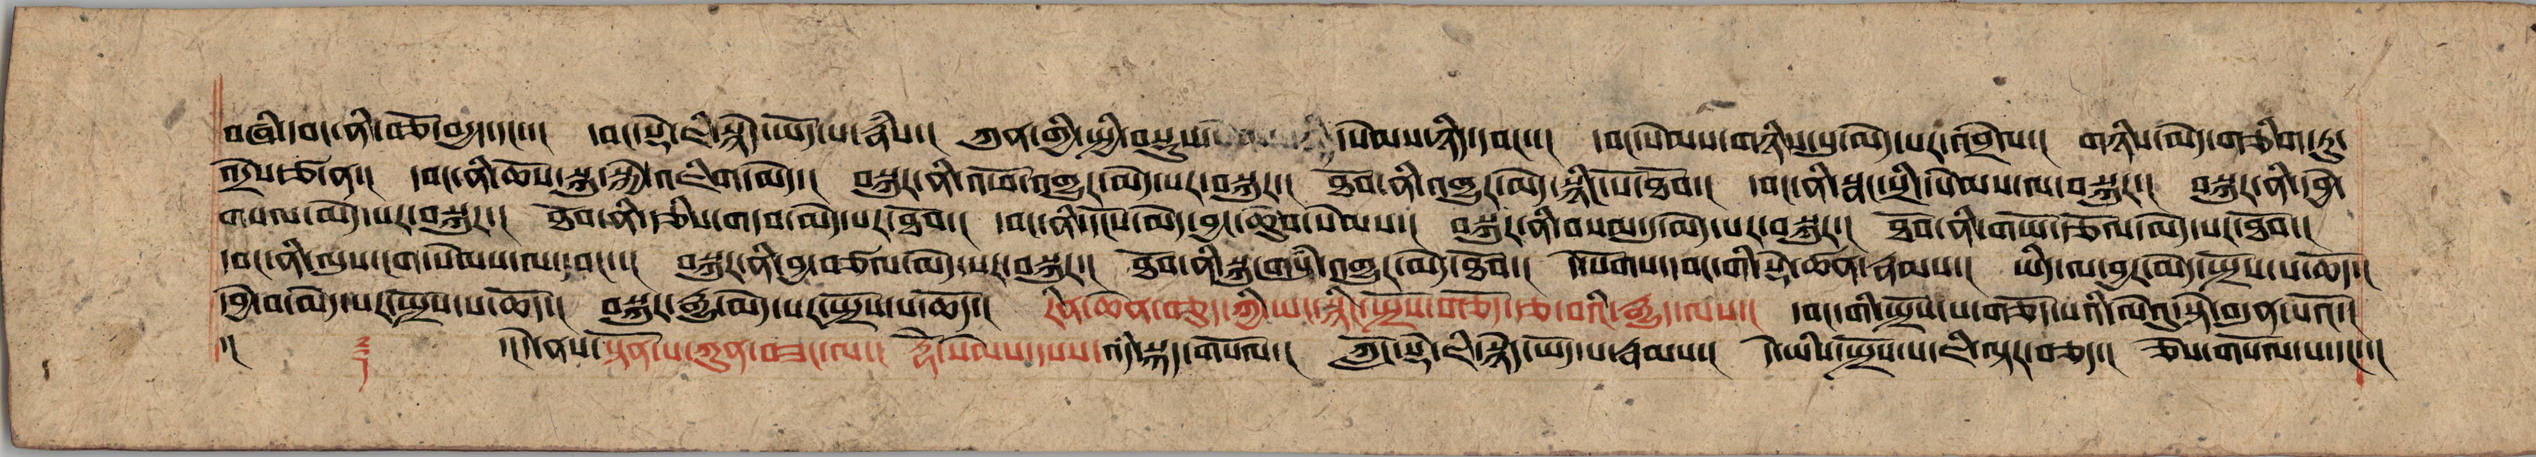བཞི་དབང་ནི་བཅོ་བདྱད་དང་་། དབང་སྡེ་ཇི་སྙེད་ཡོད་པ་རྣཾས་། ཀུན་གྱི་སྤྱི་བསྡུས་ སེམས་ཉིད་དབང་་། དབང་སེམས་གཉིས་སུ་མེད་པར་འབྲེལ་། གཉིས་མེད་གཅིག་ཏུ་
འདྲེས་ཙ་ན་། དབང་ནི་ཆོས་སྐུ་སྐྱེ་འཇིག་མེད་། བསྐུར་ནི་འཕོ་འགྱུར་མེད་པར་བསྐུར་། ཐོབ་ནི་འགྱུར་མེད་སྙིང་པོ་ཐོབ་། དབང་ནི་སྣང་་སྲིད་སེམས་ལ་བསྐུར་། བསྐུར་ནི་དབྱེ་
གསལ་མེད་པར་བསྐུར་། ཐོབ་ནི་རྩིས་གདབ་མེད་པར་ཐོབ་། དབང་ནི་དངོས་མེད་བྱང་ཆུབ་སེམས་། བསྐུར་ནི་བསམ་དུ་མེད་པར་བསྐུར་། ཐོབ་ནི་གཡོ་རྩོལ་མེད་པར་ཐོབ་།
དབང་ནི་ལུས་ངག་སེམས་ལ་དབང་་། བསྐུར་ནི་བྱ་བཙལ་མེད་པར་བསྐུར་། ཐོབ་ནི་སྐུ་གསུཾ་འགྱུར་མེད་ཐོབ་། དེ་སོགས་དབང་གི་སྡེ་ཚན་རྣམས་། ཡིད་ལ་བྱར་མེད་སྤྲོས་པ་ཆོད་།
དབྱེ་བ་མེད་པར་སྤྲོས་པ་ཆོད་། བསྐུར་རྒྱུ་མེད་པར་སྤྲོས་པ་ཆོད་། རིན་ཆེན་བཅུད་ཀྱི་ཡང་སྙིང་སྤྲོས་གཅོད་རྩ་བའི་རྒྱུད་ལས་། དབང་གི་སྤྲོས་པ་གཅོད་པའི་ལེའུ་སྟེ་བདུན་པའོ་།
༈ ་།དེ་ནས་སྟོན་པ་ཀུན་བཟང་ལ་། རྡོེ་སེམས་དཔས་འདི་སྐད་གསོལ་། ཀློང་སྡེ་ཇི་སྙེད་ཡོད་པ་རྣམས་། དེ་ཡིས་སྤྲོས་པ་ཇི་ལྟར་བཅད་། ཅེས་གསོལ་པ་དང་་།